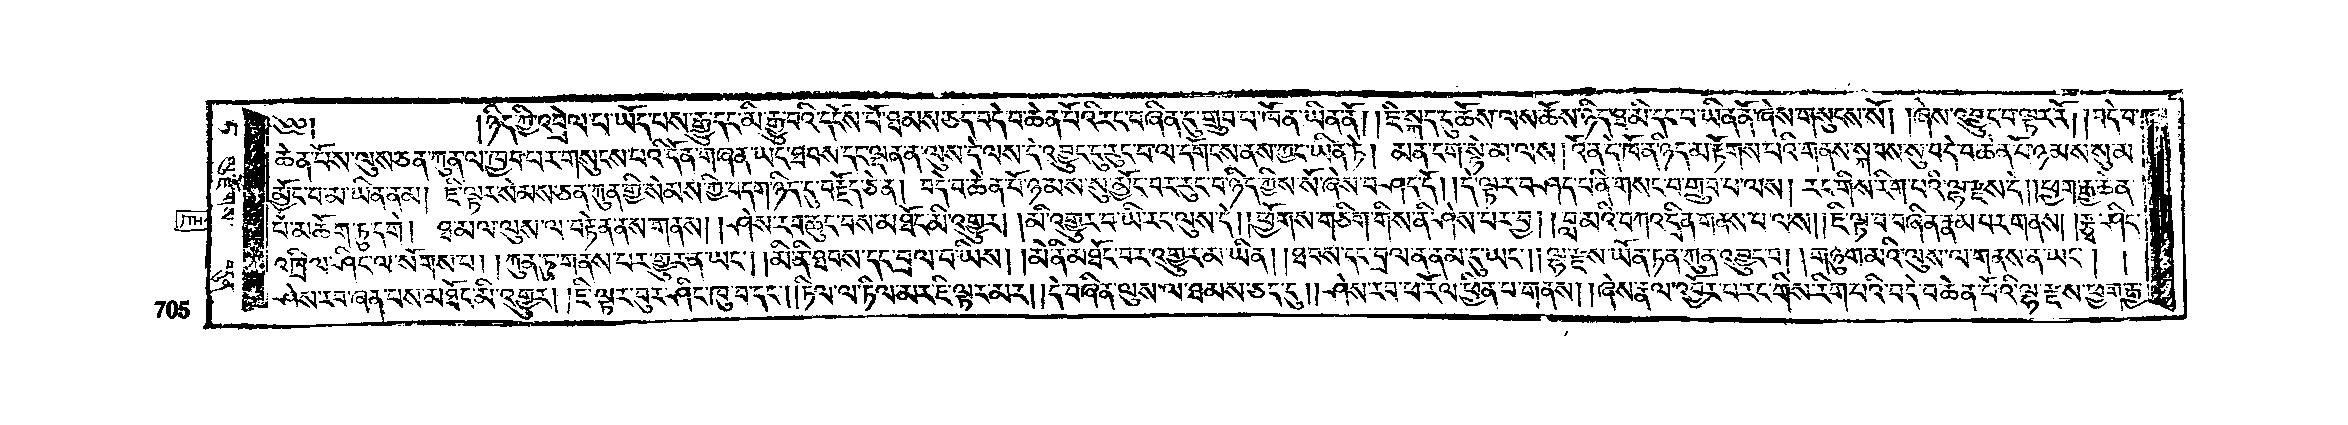༄༅། །ཉིད་ཀྱི་འབྲེལ་པ་ཡོད་པས་རྒྱུ་དང་མི་རྒྱུ་བའི་དངོས་པོ་ཐམས་ཅད་བདེ་བ་ཆེན་པོའི་རང་བཞིན་དུ་གྲུབ་པ་ཁོ་ན་ཡིན་ནོ། །ཇི་སྐད་དུ་ཆོས་ལས་ཆོས་ཉིད་ཐ་མི་དད་པ་ཡིན་ནོ་ཞེས་གསུངས་སོ། །ཞེས་འབྱུང་བ་ལྟར་རོ། །བདེ་བ་
ཆེན་པོས་ལུས་ཅན་ཀུན་ལ་ཁྱབ་པར་གསུངས་པའི་དོན་གཞན་ཡང་ཐབས་དང་ལྡན་ན་ལུས་དེ་ལས་དེ་འབྱུང་དུ་རུང་བ་ལ་དགོངས་ནས་ཀྱང་ཡིན་ཏེ། མན་ངག་སྙེ་མ་ལས། འོ་ན་དེ་ཁོ་ན་ཉིད་མ་རྟོགས་པའི་གནས་སྐབས་སུ་བདེ་བ་ཆེན་པོ་ཉམས་སུ་མ་
མྱོང་བ་མ་ཡིན་ནམ། ཇི་ལྟར་སེམས་ཅན་ཀུན་གྱི་སེམས་ཀྱི་བདག་ཉིད་དུ་བརྗོད་ཅེ་ན། བདེ་བ་ཆེན་པོ་ཉམས་སུ་མྱོང་བར་རུང་བ་ཉིད་ཀྱིས་སོ་ཞེས་བཤད་དོ། །དེ་ལྟར་བཤད་པ་ནི་གསང་བ་གྲུབ་པ་ལས། རང་གིས་རིག་པའི་ལྷ་རྫས་དེ། །ཕྱག་རྒྱ་ཆེན་
པོ་མཆོག་ཏུ་དགེ། ཐ་མལ་ལུས་ལ་བརྟེན་ནས་གནས། །ཤེས་རབ་ཆུང་བས་མཐོང་མི་འགྱུར། །མི་འགྱུར་བ་ཡི་རང་ལུས་དེ། །ཕྱོགས་གཅིག་གིས་ནི་ཤེས་པར་བྱ། །བླ་མའི་བཀའ་དྲིན་གནས་པ་ལས། །ཇི་ལྟ་བ་བཞིན་རྣམ་པར་གནས། །རྩྭ་ཤིང་
འཁྲིལ་ཤིང་ལ་སོགས་པ། །ཀུན་ཏུ་གནས་པར་གྱུར་ན་ཡང་། །མི་ནི་ཐབས་དང་བྲལ་བ་ཡིས། །མེ་ནི་མཐོང་བར་འགྱུར་མ་ཡིན། །ཐབས་དང་བྲལ་ན་ནམ་དུ་ཡང་། །ལྷ་རྫས་ཡོན་ཏན་ཀུན་འབྱུང་བ། །གཉུག་མའི་ལུས་ལ་གནས་ན་ཡང་། །
ཤེས་རབ་ཞན་པས་མཐོང་མི་འགྱུར། །ཇི་ལྟར་བུར་ཤིང་ཁུ་བ་དང་། །ཏིལ་ལ་ཏིལ་མར་ཇི་ལྟར་མར། །དེ་བཞིན་ལུས་ལ་ཐམས་ཅད་དུ། །ཤེས་རབ་ཕ་རོལ་ཕྱིན་པ་གནས། །ཞེས་རྣལ་འབྱོར་བ་རང་གིས་རིག་པའི་བདེ་བ་ཆེན་པོའི་ལྷ་རྫས་ཕྱག་རྒྱ་